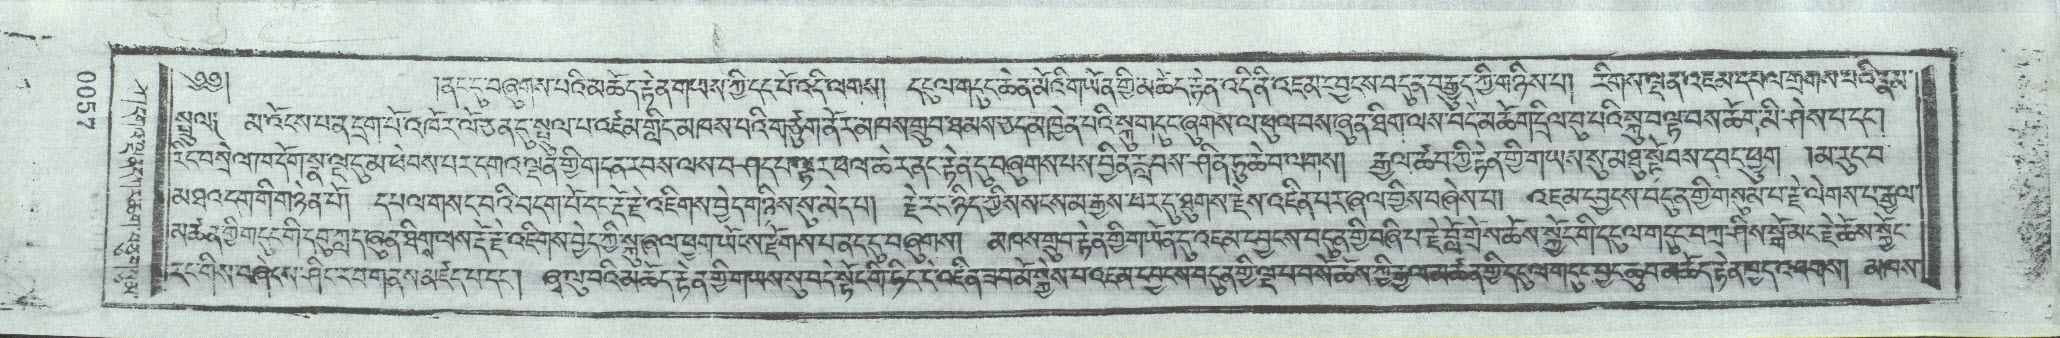༄༅། །ནང་དུ་བཞུགས་པའི་མཆོད་རྟེན་གཡས་ཀྱི་དང་པོ་འདི་ལགས། དངུལ་གདུད་ཆེན་མོའི་གཡོན་གྱི་མཆོད་རྟེན་འདི་ནི་འཇམ་དབྱངས་བདུན་བརྒྱུད་ཀྱི་གཉིས་པ། རིགས་ལྡན་འཇམ་དཔལ་གྲགས་པའི་རྣམ་
སྤྲུལ། མ་འོངས་པན་དྲག་པོ་འཁོར་ལོ་ཅན་དུ་སྤྲུལ་པ་འཛཾ་གླིང་མཁས་པའི་གཙུག་ནོར་མཁས་གྲུབ་ཐམས་ཅད་མཁྱེན་པའི་སྐུ་གདུང་ཞུགས་ལ་ཕུལ་བས་ཞུན་ཐིག་ལས་བདེ་མཆོག་དྲིལ་བུ་པའི་སྐུ་བལྟ་བས་ཆོག་མི་ཤེས་པ་དང་
རིང་བསྲེལ་ཁ་དོག་སྣ་ལྔ་དུ་མ་ཕེབས་པར་དགའ་ལྡན་གྱི་གདན་རབས་ལས་བཤད་པ་ལྟར་ཕལ་ཆེར་ནང་རྟེན་དུ་བཞུགས་པས་བྱིན་རླབས་ཤིན་ཏུ་ཆེ་བ་ལགས། རྒྱལ་ཚབ་ཀྱི་རྟེན་གྱི་གཡས་སུ་མཐུ་སྟོབས་དབང་ཕྱུག །མ་རུང་པ་
མཐའ་དག་གི་གཉེན་པོ། དཔལ་གསང་བའི་བདག་པོ་དང་རྡོ་རྗེ་འཇིགས་བྱེད་གཉིས་སུ་མེད་པ། རྗེ་རང་ཉིད་ཀྱིས་སངས་མ་རྒྱས་ཕར་དུ་ཐུགས་རྗེས་འཛིན་པར་ཞལ་གྱིས་བཞེས་པ། འཇམ་དབྱངས་བདུན་གྱི་གསུམ་པ་རྗེ་ལེགས་པ་རྒྱལ་
མཚན་གྱི་གདུང་གི་དབུ་ཀླད་ཞུན་ཐིགས་ལས་རྡོ་རྗེ་འཇིགས་བྱེད་ཀྱི་སྐུ་ཞལ་ཕྱག་ཡོངས་རྫོགས་པ་ནང་དུ་བཞུགས། མཁས་གྲུབ་རྟེན་གྱི་གཡོན་དུ་འཇམ་དབྱངས་བདུན་གྱི་བཞི་པ་རྗེ་བློ་གྲོས་ཆོས་སྐྱོང་གི་དངུལ་གདུང་བཀྲ་ཤིས་སྒོ་མང་རྗེ་ཆོས་སྐྱོང་
རང་གིས་བཞེངས་ཤིང་རབ་གནས་མཛད་པ་དང་། ཞྭ་ལུ་བའི་མཆོད་རྟེན་གྱི་གཡས་སུ་བདེ་སྟོང་གི་ཏིང་ངེ་འཛིན་ཟབ་མོ་སྐྱེས་པ་འཇམ་དབྱངས་བདུན་གྱི་ལྔ་པ་བསོ་ཆོས་ཀྱི་རྒྱལ་མཚན་གྱི་དངུལ་གདུང་བྱང་ཆུབ་མཆོད་རྟེན་ཁྱད་འཕགས། མཁས་